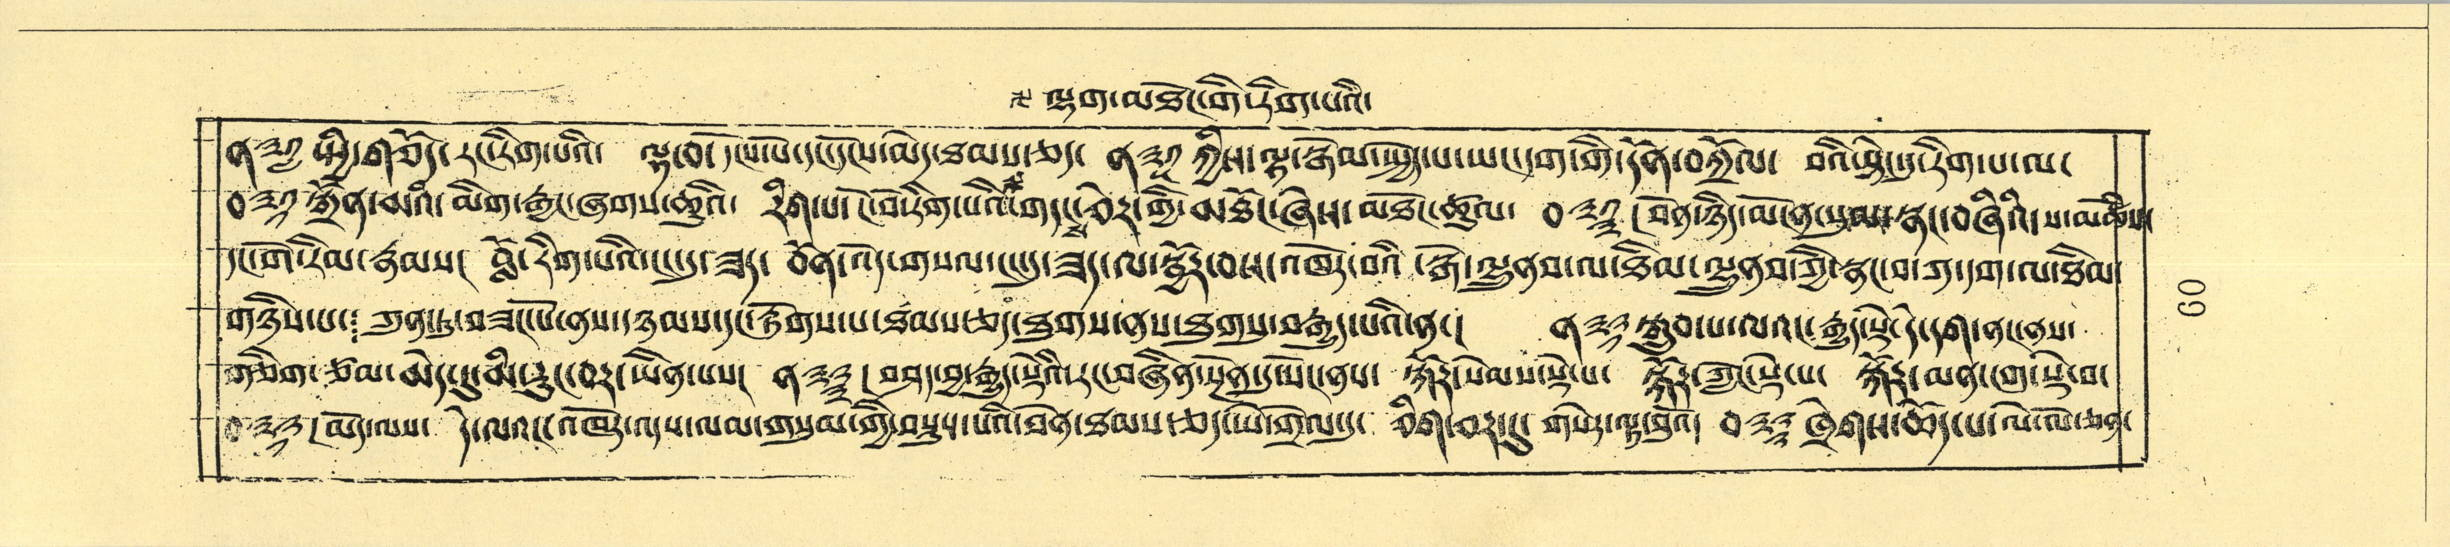ན༣༡།༤༼སྤྱི་གཅོད༽རང་རིག་པའི་༼ལྟ་བ༽དངོས་པོ་དང་དངོས་མེད་ཐམས་ཅད་ན༣༡།༥༼ཀྱིས༽ལྟ་སྒོམ་སྤྱོད་པ་ཡང་དག་གི་༼དོན་བཀྲོལ༽བའི་སྟེང་དུ་རིག་པ་ལ་
བ༣༡།༡༼སྒྲོན་མའི༽མིོག་རྒྱང་ཞགས་ཆུའི་༼རིག་པ༽ངོ་བོ་རིག་པའི་ལྷག་མཐོང་གི་རིག་པའི་གདངས་༼ཅེར་༽གྱི་༼མཐོང་ཞེས༽མཐོང་ཚུལ་བ༣༡།༣ བོན་ཉིད་མངོན་སུམ་༼སྣང་བཞིའི༽ས་མཚམས་
དང་གོ་རིམ་རྣམས་༼བློ༽རིག་པའི་ངང་དུ་༼ཟད༽༼བོན༽འོད་གསལ་ངང་དུ་༼ཟད་ལ་སྦྱོར་བས་༽འཁོར་བའི་སྒོ་ལྷུན་གྲུབ་ལ་ཐིམ། ལྷུན་གྲུབ་ཀྱི་སྣང་བ་ཀ་དག་ལ་ཐིམ། 
གཉིས་པ་ཀུན་ཏུ་བཟང་པོ་ནས་ཉམས་དང་རྟོགས་པ་ཐམས་ཅད་ཐུགས་ནས་ཐུགས་སུ་བརྒྱུད་པས་ན་ན༣༢།༡༼སྒྲུབ་པ་ལའང༽རྒྱུད་སྡེ་༼དེ་དག་༽ནང་ནས་
གཅིག་ཙམ་༼མེད་དུ་མི་རུང་བ༽ཡིན་པས་ན༣༢།༣ བཤད་བྱ་རྒྱུད་སྡེའི་རང་བཞིན་སྔོན་དུ་སོང་ནས་༼སྐོར༽སེམས་སྡེ་བ་༼སྐོར༽ཀློང་སྡེ་བ་༼སྐོར༽མན་ངག་སྡེ་བ་
བ༣༢།༡ མདོ་ལས་༼དེ་ལའང༽འཁོར་འདས་ལམ་གསུམ་གྱིས་བསྡུས་པའི་བོན་ཐམས་ཅད་ཡེ་གྲོལ་དུ་༼ཅིག་ཅར་དུ༽གསེར་ལྟ་བུའོ། ། བ༣༢།༢༼ཁྲེགས་ཆོད་པ༽ལེ་ལོ་ཅན་